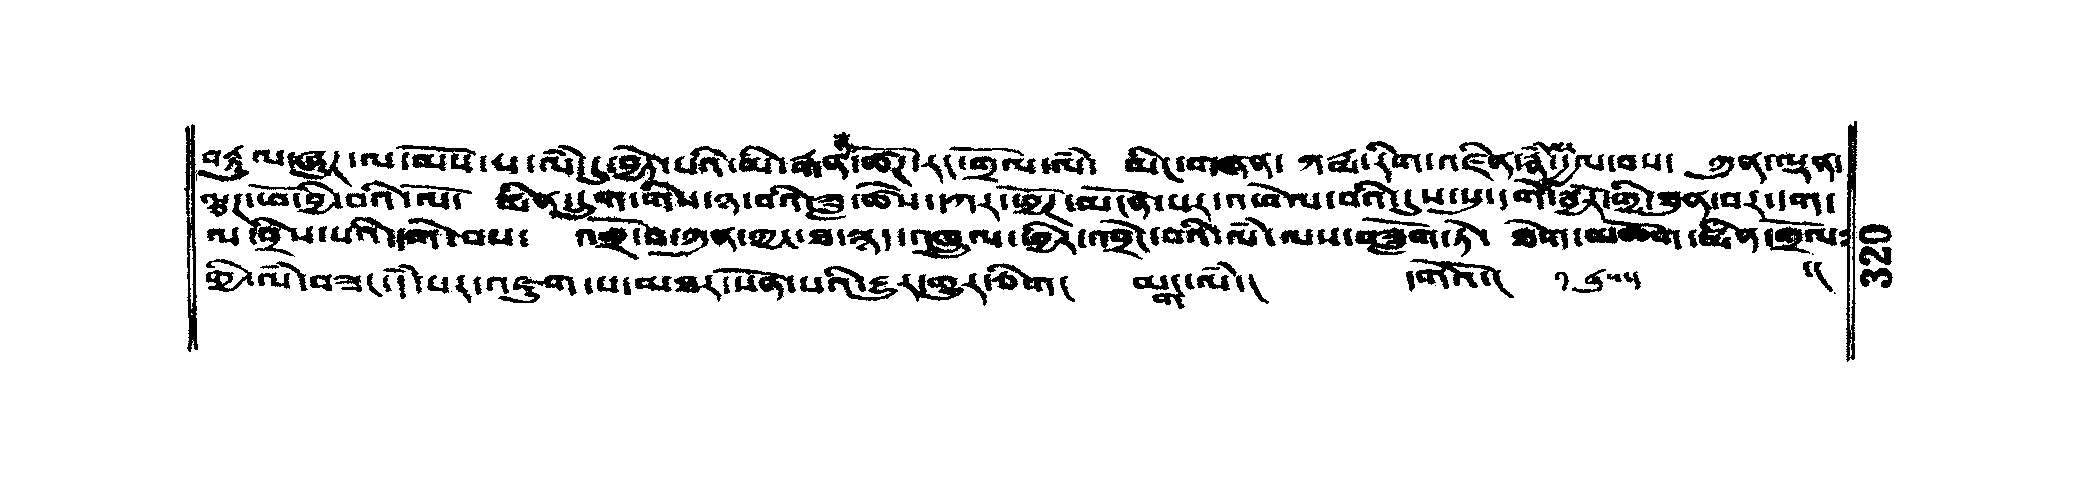བརྟུལ་ཞུགས་ལ་མོས་པ་ལམ་དུ་བྱེད་པའི་མི་རྒན་སྣ་ཚོགས་རང་གྲོལ་ལམ། མིང་གཞན་ཀརྨ་རིག་འཛིན་རྣམ་པ་རྒྱལ་བས། ཀུན་ལྡན་
ལྕགས་ཕོ་བྱི་བའི་ལོ། སྨིན་དྲུག་གིས་ཉ་བའི་ཟླ་ཚེས་དཀར་ཕྱོགས་མངོན་པར་འཕེལ་བའི་དུས་སུ་དགེ་སྦྱོར་གྱི་ཐུན་བར་དག་
ལ་བྲིས་པའི་དགེ་བས། འགྲོ་བ་ཀུན་ཀྱང་ཐ་སྙད་འཁྲུལ་ཕྱིར་འབྲེང་བའི་ལམ་ལས་བཟློག་ཏེ། ཐེག་མཆོག་སྨིན་གྲོལ་
གྱི་ལམ་བཟང་དམ་པར་འཇུག་པ་མཐར་སོན་པའི་རྒྱུར་གྱུར་ཅིག མངྒ་ལཾ།། དགེའོ།།